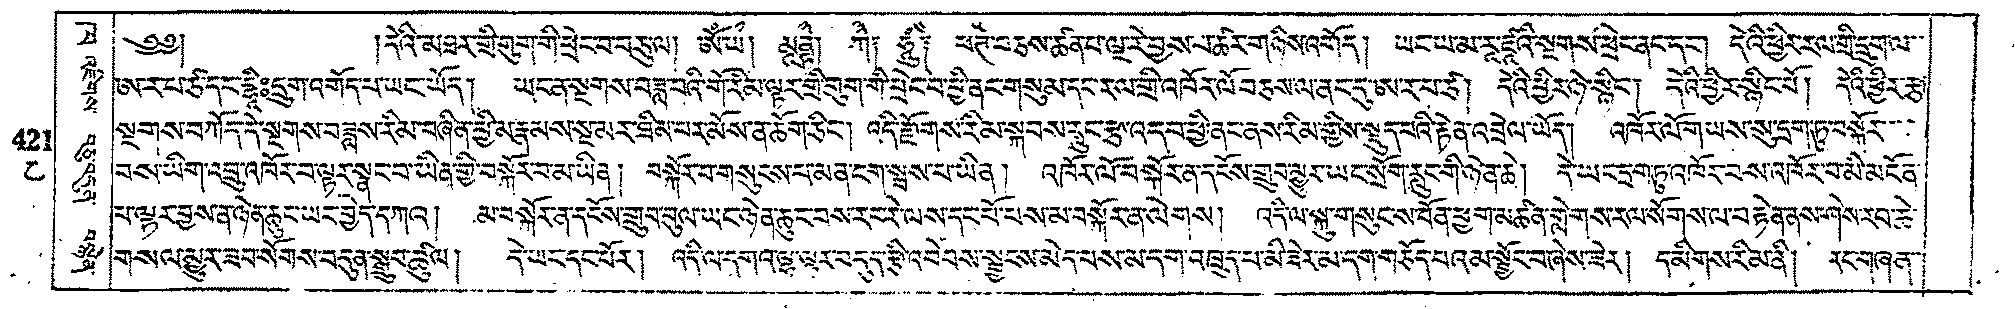༄༅། །དེའི་མཐར་གྲི་གུག་གི་ཕྲེང་བ་བཅུ་ལ། ཨོཾ་ཡ ༡། མཱནྟ ༢། ཀ ༣༑ ཧཱུཾ ༤། ཕཊ ༥་བཅས་ཚན་པ་ལྔ་རེ་བྱས་པ་ཚར་གཉིས་འགོད། ཡང་ཡ་མ་རཱ་ཛཱའི་སྔགས་ཕྲེང་ནང་དང་། དེའི་ཕྱིར་རལ་གྲི་དྲུག་ལ་་་
ཨ་ར་པ་ཙ་དང་དྷཱིཿདྲུག་འགོད་པ་ཡང་ཡོད། ཡང་ན་སྔགས་བཟླ་བའི་གོ་རིམ་ལྟར་གྲི་གུག་གི་ཕྲེང་བ་ཕྱི་ནང་གསུམ་དང་རལ་གྲི་འཁོར་ལོ་བཅས་ལ་ནང་དུ་ཨ་ར་པ་ཙ། དེའི་ཕྱིར་ཉེ་སྙིང་། དེའི་ཕྱིར་སྙིང་པོ། དེའི་ཕྱིར་རྩ་
སྔགས་བཀོད་དེ་སྔགས་བཟླས་རིམ་བཞིན་ཕྱི་མ་རྣམས་སྔ་མར་ཐིམ་པར་མོས་ན་ཆོག་ཅིང་། འདི་རྫོགས་རིམ་སྐབས་རླུང་རྩ་འདབ་ཕྱི་ནང་ནས་རིམ་གྱིས་སྡུད་པའི་རྟེན་འབྲེལ་ཡོད། འཁོར་ལོ་གཡས་སུ་དྲག་ཏུ་བསྐོར་་་
བས་ཡིག་འབྲུ་འཁོར་པ་ལྟར་སྣང་བ་ཡིན་གྱི་བསྐོར་བ་མ་ཡིན། བསྐོར་བ་གསུངས་པ་མན་ངག་སྦས་པ་ཡིན། འཁོར་ལོ་བསྐོར་ན་དངོས་གྲུབ་མྱུར་ཡང་སྲོག་རླུང་གི་ཉེ་ན་ཆེ། དེ་ཡང་དྲག་ཏུ་འཁོར་བས་འཁོར་བ་མི་མངོན་
པ་ལྟར་བྱས་ན་ཉེན་ཆུང་ཡང་བྱེད་དཀའ། མ་བསྐོར་ན་དངོས་གྲུབ་བུལ་ཡང་ཉེན་ཆུང་བས་རང་རེ་ལས་དང་པོ་པས་མ་བསྐོར་ན་ལེགས། འདི་ལ་སྐུ་གསུང་ས་བོན་ཕྱག་མཚན་གླེགས་རལ་སོགས་ལ་བརྟེན་ནས་ཤེས་རབ་ཆེ་
གསལ་མྱུར་ཟབ་སོགས་བདུན་སྒྲུབ་ཚུལ། དེ་ཡང་དང་པོར། འདི་ལ་དགའ་ལྷ་ལྷར་བདུད་རྩི་འབེབས་སྦྱངས་མེད་པས་མ་དག་འཁྲུད་པ་མི་ཟེར་མ་དག་གཅོད་པའམ་སྦྱོང་བ་ཞེས་ཟེར། དམིགས་རིམ་ནི། རང་གཞན་་་